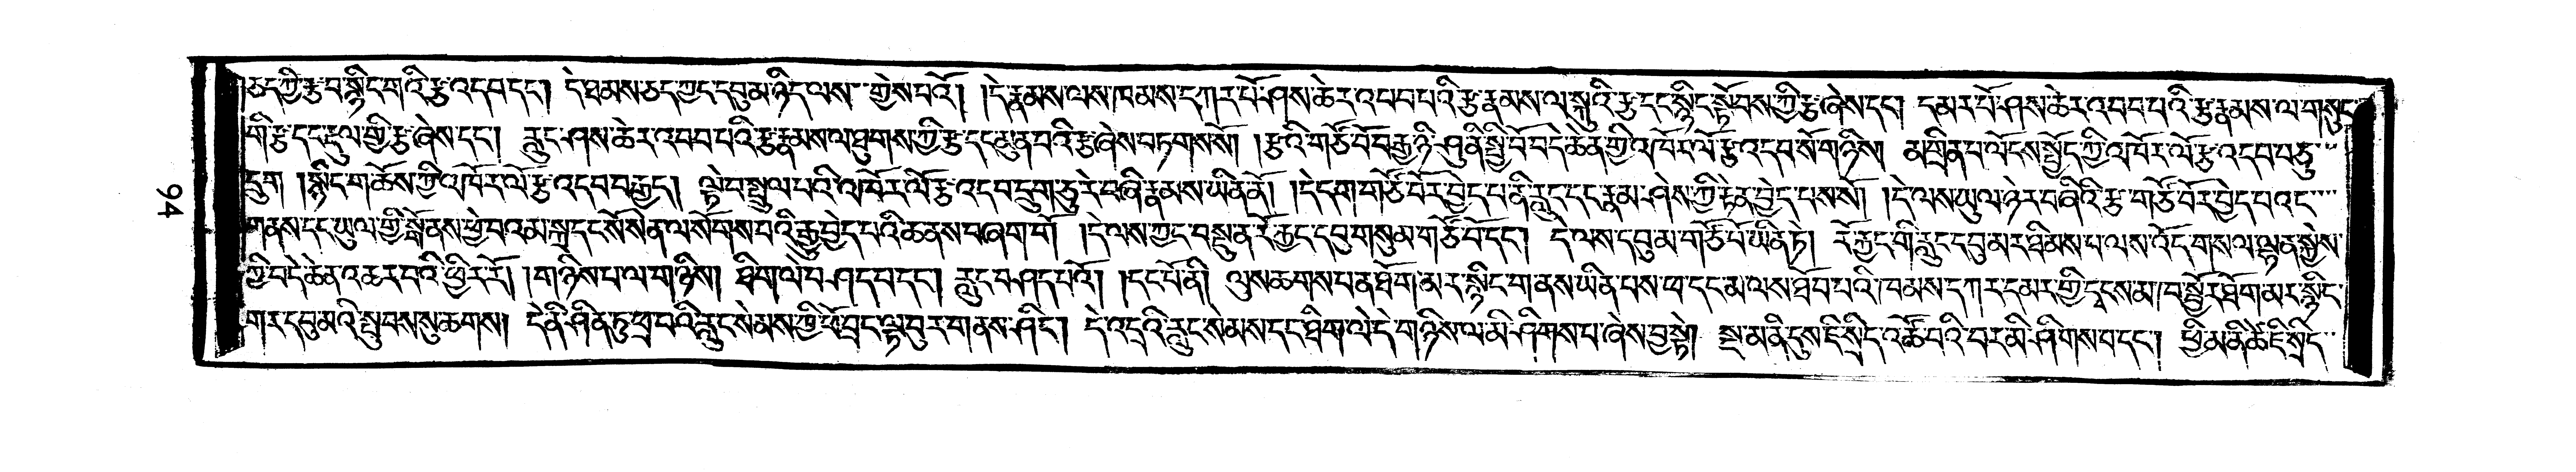ཅད་ཀྱི་རྩབ་སྙིང་གའི་རྩ་འདབ་དང་། དེ་ཐམས་ཅད་ཀྱང་དབུ་མ་ཉིད་ལས་གྱེས་པའོ། །དེ་རྣམས་ལས་ཁམས་དཀར་པོ་ཤས་ཆེར་འབབ་པའི་རྩ་རྣམས་ལ་སྐུའི་རྩ་དང་སྙིང་སྟོབས་ཀྱི་རྩ་ཞེས་དང་། དམར་པོ་ཤས་ཆེར་འབབ་པའི་རྩ་རྣམས་ལ་གསུང་
གི་རྩ་དང་རྡུལ་གྱི་རྩ་ཞེས་དང་། རླུང་ཤས་ཆེར་འབབ་པའི་རྩ་རྣམས་ལ་ཐུགས་ཀྱི་རྩ་དང་མུན་པའི་རྩ་ཞེས་བཏགས་སོ། །རྩའི་གཙོ་བོ་བརྒྱ་ཉི་ཤུ་ནི་སྤྱི་བོ་བདེ་ཆེན་གྱི་འཁོར་ལོ་རྩ་འདབ་སོ་གཉིས། མགྲིན་པ་ལོངས་སྤྱོད་ཀྱི་འཁོར་ལོ་རྩ་འདབ་བཅུ་
དྲུག །སྙིང་ག་ཆོས་ཀྱི་འཁོར་ལོ་རྩ་འདབ་བརྒྱད། ལྟེ་བ་སྤྲུལ་པའི་འཁོར་ལོ་རྩ་འདབ་དྲུག་ཅུ་རེ་བཞི་རྣམས་ཡིན་ནོ། །དེ་དག་གཙོ་བོར་བྱེད་པ་ནི་རླུང་དན་རྣམ་ཤེས་ཀྱི་རྟེན་བྱེད་བས་སོ། །དེ་ལས་ཡུལ་ཉེར་བཞིའི་རྩ་གཙོ་བོར་བྱེད་པའང་
གནས་དང་ཡུལ་གྱི་སྒོ་ནས་ཕྱེ་བའམ་སྐྲ་དང་སོ་སེན་ལ་སོགས་པའི་རྒྱུ་བྱེད་པའི་ཆ་ནས་བཞག་གོ །དེ་ལས་ཀྱང་བསྡུ་ན་རོ་རྐྱང་དབུ་གསུམ་གཙོ་བོ་དང་། དེ་ལས་དབུ་མ་གཙོ་བོ་ཡིན་ཏེ། རོ་རྐྱང་གི་རླུང་དབུ་མར་ཐིམས་པ་ལས་འོད་གསལ་ལྷན་སྐྱེས་
ཀྱི་བདེ་ཆེན་འཆར་བའི་ཕྱིར་རོ། །གཉིས་པ་ལ་གཉིས། ཐིག་ལེ་བཤད་པ་དང་། རླུང་བཤད་པའོ། །དང་པོ་ནི། ལུས་ཆགས་པ་ན་ཐོག་མར་སྙིང་ག་ནས་ཡིན་པས་ཕ་དང་མ་ལས་ཐོབ་པའི་ཁམས་དཀར་དམར་གྱི་དྭངས་མ་ཁ་སྦྱོར་ཐོག་མར་སྙིང་
གར་དབུ་མའི་སྤུབས་སུ་ཆགས། དེ་ནི་ཤིན་ཏུ་ཕྲ་བའི་རླུང་སེམས་ཀྱི་ཕོ་བྲང་ལྟ་བུར་གནས་ཤིང་། དེ་འདྲའི་རླུང་སེམས་དང་ཐིག་ལེ་དེ་གཉིས་ལ་མི་ཤིགས་པ་ཞེས་བྱ་སྟེ། སྔ་མ་ནི་དུས་ཇི་སྲིད་མཐའི་བར་དུ་མི་ཤིགས་པ་དང་། ཕྱི་མ་ནི་ཚེ་ཇི་སྲིད་